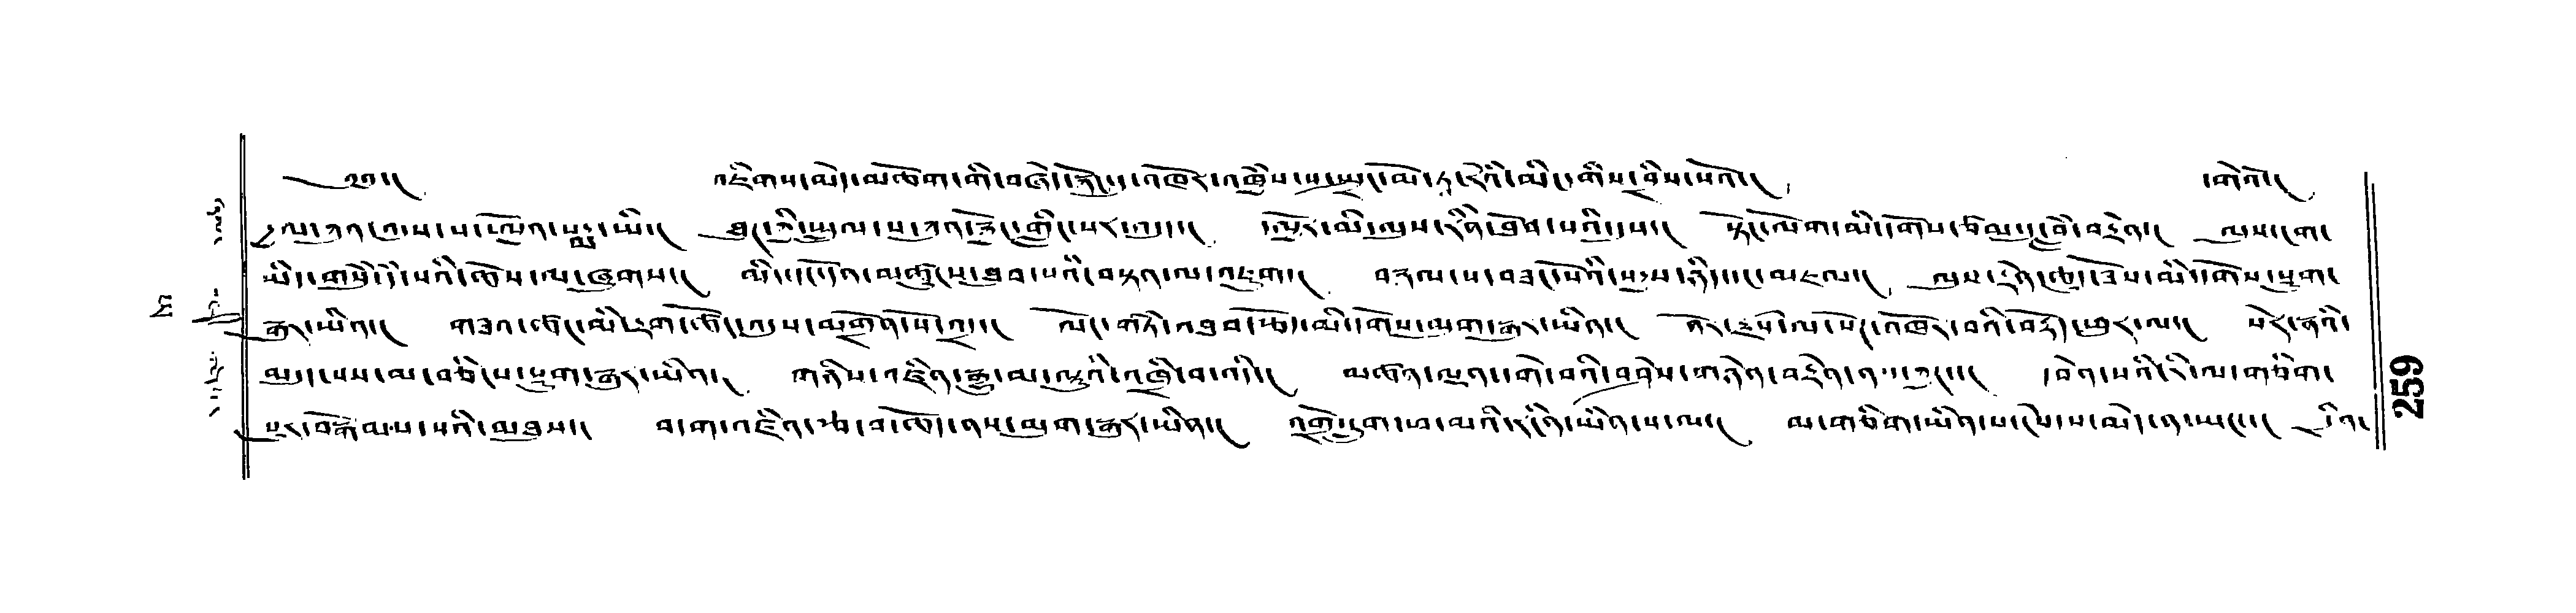འཇིགས་མེད་མཆོག་གི་བཞེད་སྐོང་དུ་འཁོར་འཁྱམས་པ་སྤྲང་མོ་ཏཱ་རེའི་མིང་གིས་བྲིས་པའོ། དགེའོ། 
རྒྱལ་ཀུན་འདུས་པ་ཨོ་རྒྱན་པདྨ་ཡི། །ཐུགས་ཀྱི་སྤྲུལ་པ་ཀུན་སྐྱོང་གླིང་པར་འདུད། །དལ་འབྱོར་མི་ལུས་རིན་ཆེན་ཐོབ་པའི་དུས། །སྟོང་ལོག་མི་དགོས་ཙམ་དུ་བླ་མ་བརྟེན། །ལུས་ངག་
ཡིད་གསུམ་དམ་པའི་ཆོས་ལ་ཞུགས། །མིང་དང་དོན་མཚུངས་ཐུབ་པའི་བསྟན་ལ་འཇུག །བསྐལ་པ་བཟང་པོའི་སངས་རྒྱས་ཉིད་དང་མཇལ། །ལུས་རྟེན་ཆུད་ཟོས་མི་དགོས་སྡུག་
སྒུར་ཡིན། །བཟའ་ཚང་མི་རྟག་ཚོང་འདུས་མགྲོན་པོ་འདྲ། །ལོང་གཏམ་འཐབ་རྩོད་མི་དགོས་མུག་སྒུར་ཡིན། །ནོར་རྫས་ལ་སོགས་འཁོར་བའི་བརྟོད་ཕུར་ལ། །སེར་སྣའི་
མདུད་པས་མ་བཅིངས་སྡུག་སྒུར་ཡིན། །གཉིས་འཛིན་སྒྱུ་མ་ལྟ་བུའི་འཁྲི་བ་འདི། །མཚན་ལྡན་དགེ་བའི་བཤེས་གཉེན་བརྟེན་ནས་ཀྱང་། །དབེན་པའི་རི་ལ་གཅིག་
པུར་བསྒོམས་པའི་མཐུས། །བདག་འཛིན་རྩ་བ་ཆོད་ན་མུག་སྒུར་ཡིན། །འགྲོ་དྲུག་ཕ་མའི་རང་བཞིན་ཡིན་པ་ལ། །མ་གཅིག་ཡིན་པ་ངེས་པ་མེད་ན་ཡང་། །དྲིན་